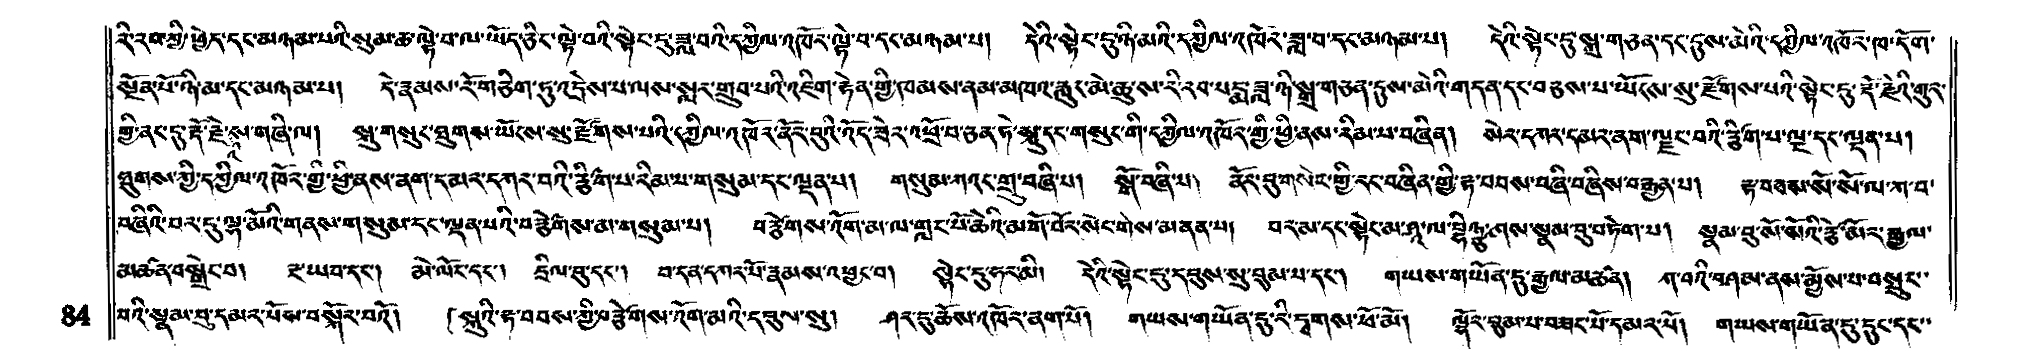རི་རབ་ཀྱི་ཕྱེད་དང་མཉམ་པའི་སུམ་ཆ་ལྟེ་བ་ལ་ཡོད་ཅིང་ལྟེ་བའི་སྟེང་དུ་ཟླ་བའི་དཀྱིལ་འཁོར་ལྟེ་བ་དང་མཉམ་པ། དེའི་སྟེང་དུ་ཉི་མའི་དཀྱིལ་འཁོར་ཟླ་བ་དང་མཉམ་པ། དེའི་སྟེང་དུ་སྒྲ་གཅན་དང་དུས་མེའི་དཀྱིལ་འཁོར་ཁ་དོག་
སྔོན་པོ་ཉི་མ་དང་མཉམ་པ། དེ་རྣམས་རོ་གཅིག་ཏུ་འདྲེས་པ་ལས་སླར་གྲུབ་པའི་འཇིག་རྟེན་གྱི་ཁམས་ནམ་མཁའ་རླུང་མེ་ཆུ་ས་རི་རབ་པདམ་ཟླ་ཉི་སྒྲ་གཅན་དུས་མེའི་གདན་དང་བཅས་པ་ཡོངས་སུ་རྫོགས་པའི་སྟེང་དུ་རྡོ་རྗེའི་གུར་
གྱི་ནང་དུ་རྡོ་རྗེ་ས་གཞི་ལ། སྐུ་གསུང་ཐུགས་ཡོངས་སུ་རྫོགས་པའི་དཀྱིལ་འཁོར་ནོར་བུའི་འོད་ཟེར་འཕྲོ་བ་ཅན་ཏེ་སྐུ་དང་གསུང་གི་དཀྱིལ་འཁོར་གྱི་ཕྱི་ནས་རིམ་པ་བཞིན། སེར་དཀར་དམར་ནག་ལྗང་བའི་རྩིག་པ་ལྔ་དང་ལྡན་པ།
ཐུགས་ཀྱི་དཀྱིལ་འཁོར་གྱི་ཕྱི་ནས་ནག་དམར་དཀར་བའི་རྩིག་པ་རིམ་པ་གསུམ་དང་ལྡན་པ། གསུམ་ཀའང་གྲུ་བཞི་པ། སྒོ་བཞི་པ། ནོར་བུ་གསེར་གྱི་རང་བཞིན་གྱི་རྟ་བབས་བཞི་བཞིས་བརྒྱན་པ། རྟ་བབས་སོ་སོ་ལ་ཀ་བ་
བཞིའི་བར་དུ་ལྷ་མོའི་གནས་གསུམ་དང་ལྡན་པའི་བརྩེགས་མ་གསུམ་པ། བརྩེགས་འོག་མ་ལ་གླང་པོ་ཆེའི་མགོ་བོར་སེང་གེས་མནན་པ། བར་མ་དང་སྟེང་མ་ཤཱ་ལ་བྷིཉྩ་ཤས་སྣམ་བུ་བཏེག་པ། སྣམ་བུ་སོ་སོའི་རྩེ་མོར་རྒྱལ་
མཚན་བསྒྲེང་བ། རྔ་ཡབ་དང་། མེ་ལོང་དང་། དྲིལ་བུ་དང་། བ་དན་དཀར་པོ་རྣམས་འཕྱང་བ། སྟེང་དུ་ཧར་མི། དེའི་སྟེང་དུ་དབུས་སུ་བུམ་པ་དང་། གཡས་གཡོན་དུ་རྒྱལ་མཚན། ཀ་བའི་བཤམ་ནས་མྱོས་པ་བསྲུང་
བའི་སྣམ་བུ་དམར་པོས་བསྐོར་བའོ། །སྐུའི་རྟ་བབས་ཀྱི་བརྩེགས་འོག་མའི་དབུས་སུ། ཤར་དུ་ཆོས་འཁོར་ནག་པོ། གཡས་གཡོན་དུ་རི་དྭགས་ཕོ་མོ། ལྷོར་བུམ་པ་བཟང་པོ་དམར་པོ། གཡས་གཡོན་དུ་དུང་དང་